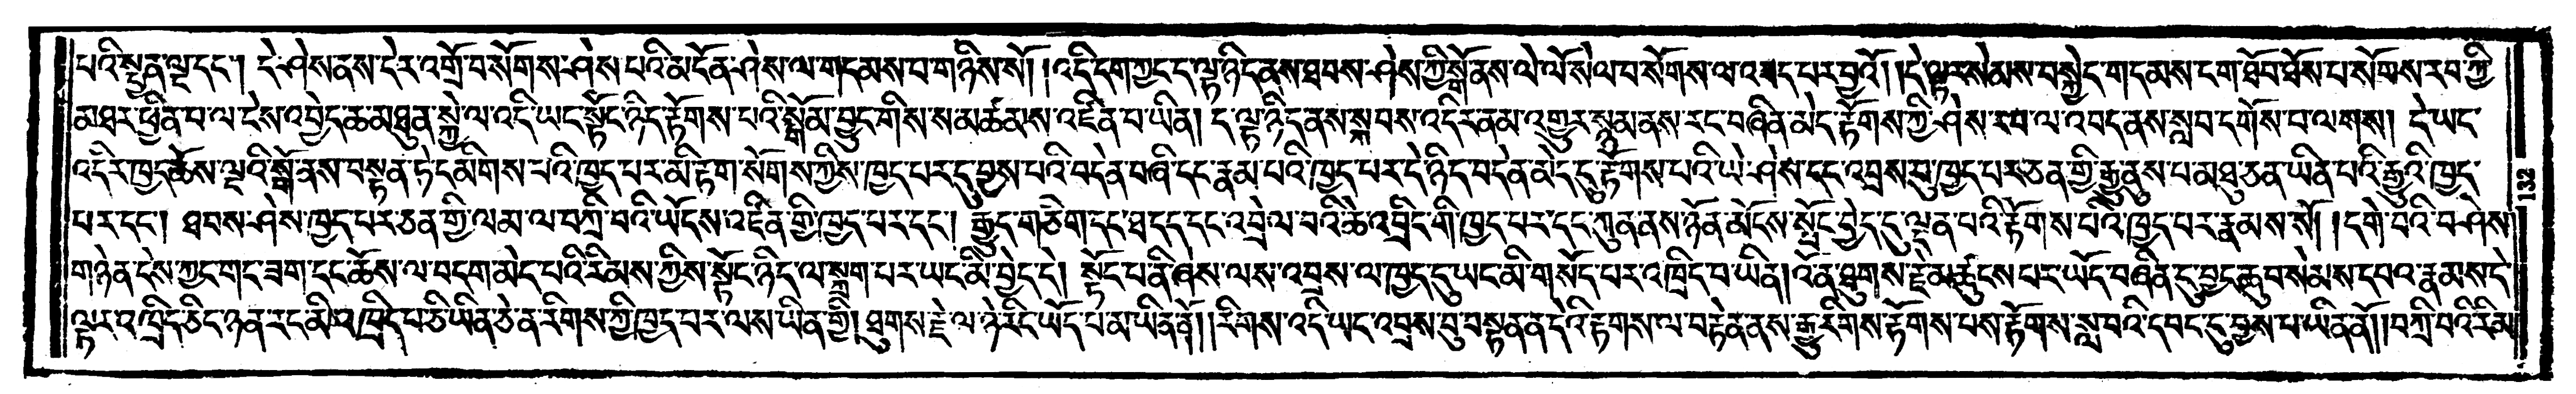པའི་སྤྱན་ལྔ་དང་། དེ་ཤེས་ནས་དེར་འགྲོ་བ་སོགས་ཤེས་པའི་མངོན་ཤེས་ལ་གདམས་པ་གཉིས་སོ། །འདི་དག་ཀྱང་ད་ལྟ་ཉིད་ནས་ཐབས་ཤེས་ཀྱི་སྒོ་ནས་ལེ་ལོ་སེལ་བ་སོགས་ལ་འབད་?་པར་བྱའོ། །དེ་ལྟར་སེམས་བསྐྱེད་གདམས་ངག་ཐོབ་ཐོས་པ་སོགས་རབ་ཀྱི་
མཐར་ཕྱིན་པ་ལ་ངེས་འབྱེད་ཆ་མཐུན་སྐྱེ་ལ་འདི་ཡང་སྟོང་ཉིད་རྟོགས་པའི་སྒོམ་བྱུང་གིས་ས་མཚམས་འཛིན་པ་ཡིན། ད་ལྟ་ཉིད་ནས་སྐབས་འདིར་ནམ་འགྱུར་སྙམ་ནས་རང་བཞིན་མེད་རྟོགས་ཀྱི་ཤེས་རབ་ལ་འབད་ནས་སླབ་དགོས་པ་ལགས། དེ་ཡང་
འདིར་ཁྱད་ཆོས་ལྔའི་སྒོ་ནས་བསྟན་ཏེ་དམིགས་པའི་ཁྱད་པར་མི་རྟག་སོགས་ཀྱིས་ཁྱད་པར་དུ་བྱས་པའི་བདེན་བཞི་དང་རྣམ་པའི་ཁྱད་པར་དེ་ཉིད་བདེན་མེད་དུ་རྟོགས་པའི་ཡེ་ཤེས་དང་འབྲས་བུ་ཁྱད་པར་ཅན་གྱི་རྒྱུ་ནུས་པ་མཐུ་ཅན་ཡིན་པའི་རྒྱུའི་ཁྱད་
པར་དང་། ཐབས་ཤེས་ཁྱད་པར་ཅན་གྱི་ལམ་ལ་བཀྲི་བའི་ཡོངས་འཛིན་གྱི་ཁྱད་པར་དང་། རྒྱུད་གཅིག་དང་ཐ་དད་དང་འབྲེལ་བའི་ཆེ་འབྲིང་གི་ཁྱད་པར་དང་ཀུན་ནས་ཉོན་མོངས་སྤོང་བྱེད་དུ་ལྡན་པའི་རྟོགས་པའི་ཁྱད་པར་རྣམས་སོ། །དགེ་བའི་བཤེས་
གཉེན་དེས་ཀྱང་གང་ཟག་དང་ཆོས་ལ་བདག་མེད་པའི་རིམས་ཀྱིས་སྟོང་ཉིད་ལ་སྐྲག་པར་ཡང་མི་བྱེད་དེ། སྟོང་པ་ནི་ཞེས་ལས་འབྲས་ལ་ཁྱད་དུ་ཡང་མི་གསོད་པར་འཁྲིད་པ་ཡིན། འོ་ན་ཐུགས་རྗེ་མཚུངས་པར་ཡོད་བཞིན་དུ་བྱང་ཆུབ་སེམས་དཔའ་རྣམས་དེ་
ལྟར་འཁྲིད་ཅིང་ཉན་རང་མི་འཁྲིད་པ་ཅི་ཡིན་ཅེ་ན་རིགས་ཀྱི་ཁྱད་པར་ལས་ཡིན་གྱི། ཐུགས་རྗེ་ལ་ཉེ་རིང་ཡོད་པ་མ་ཡིན་ནོ། །རིགས་འདི་ཡང་འབྲས་བུ་བསྟན་ན་དེའི་རྟགས་ལ་བརྟེན་ནས་རྒྱུ་རིགས་རྟོགས་པས་རྟོགས་སླ་བའི་དབང་དུ་བྱས་པ་ཡིན་ནོ། །བཀྲི་བའི་རིམ་